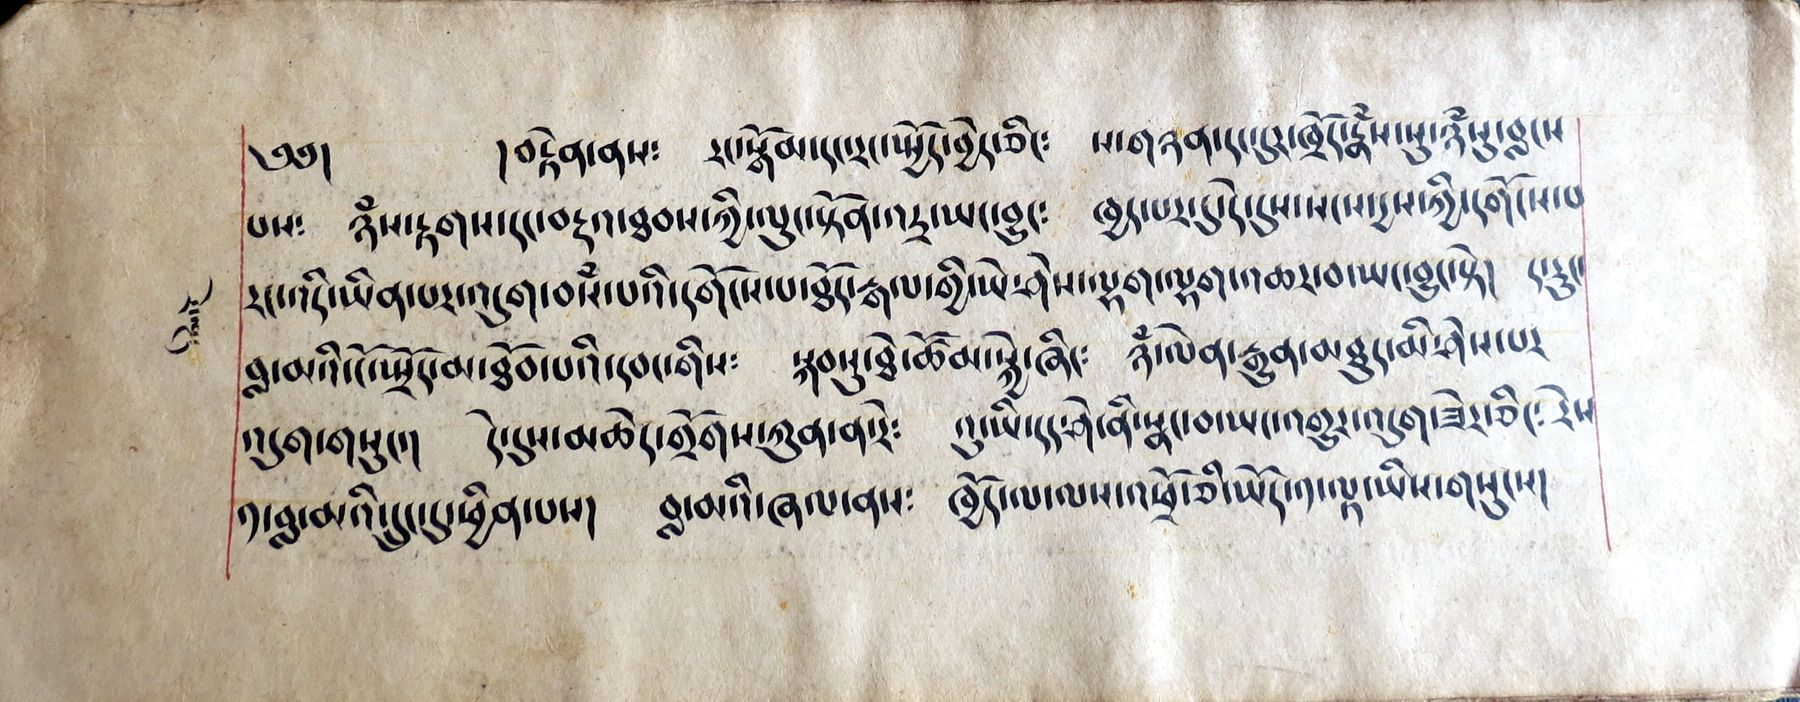རང་སྒོམ་དང་རང་སྤྱོད་བྱེད་ཅིང་། ས་གཉན་དང་དུར་ཁྲོད་རྣམས་སུ་ཉམས་སུ་བླངས་
པས། ཉམས་རྟགས་དང་བརྡ་ཐབས་ཀྱིས་ལུང་སྟོན་འདྲ་ཡང་བྱུང་། ཁྱད་པར་དེ་དུས་སངས་རྒྱས་ཀྱི་དགོངས་པ་
རང་འདི་ཡིན་པར་འདུག་བསམ་པའི་དགོངས་པ་ཐོད་རྒལ་གྱི་ཡེ་ཤེས་ལྷག་ལྷག་འཆར་བ་ཡང་བྱུང་གསུངས་སྟེ། ད་རུང་
བླ་མའི་ངོ་སྤྲོད་མ་ཐོབ་པའི་དབང་གིས། སྐབས་སུ་ཐེ་ཚོམ་སྐྱེ་ཞིང་། ཉམས་ལེན་རྒྱུན་མཐུད་མི་ཤེས་པར་
འདུག་གསུངས། དེ་དུས་མཆེད་གྲོགས་ཀུན་ན་རེ། འུ་ཡི་དད་ཤེས་ནི་སྣང་བ་ཡང་འགྱུར་འདུག་ཟེར་ཅིང་། རེས་
ཅིག་བླ་མའི་དྲུང་དུ་ཕྱིན་པས། བླ་མའི་ཞལ་ནས། ཁྱོད་ལ་ལས་འཔྲོ་ཅི་ཡོད་ཅིག་ལྟ་ཡིས་གསུངས།